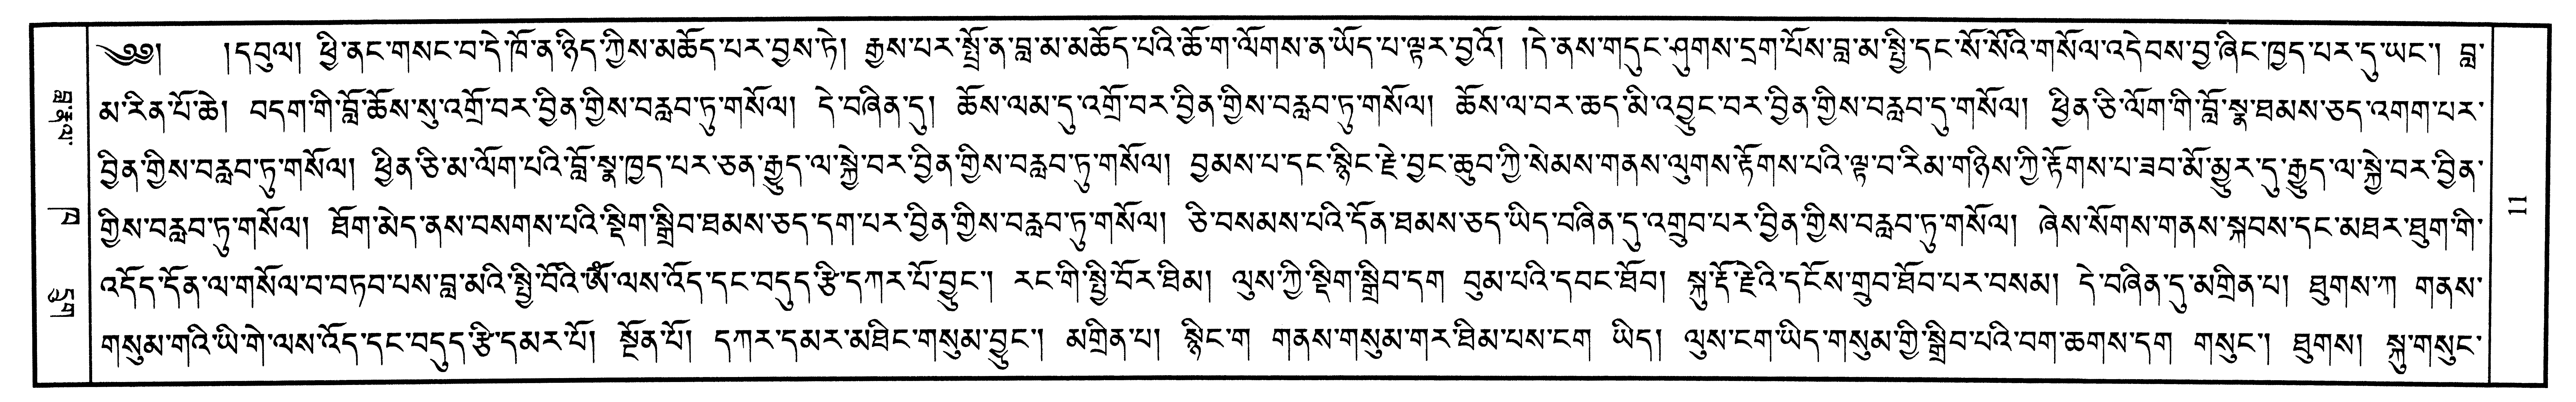༄༅། །དབུལ། ཕྱི་ནང་གསང་བ་དེ་ཁོ་ན་ཉིད་ཀྱིས་མཆོད་པར་བྱས་ཏེ། རྒྱས་པར་སྤྲོ་ན་བླ་མ་མཆོད་པའི་ཆོ་ག་ལོགས་ན་ཡོད་པ་ལྟར་བྱའོ། །དེ་ནས་གདུང་ཤུགས་དྲག་པོས་བླ་མ་སྤྱི་དང་སོ་སོའི་གསོལ་འདེབས་བྱ་ཞིང་ཁྱད་པར་དུ་ཡང་། བླ་
མ་རིན་པོ་ཆེ། བདག་གི་བློ་ཆོས་སུ་འགྲོ་བར་བྱིན་གྱིས་བརླབ་ཏུ་གསོལ། དེ་བཞིན་དུ། ཆོས་ལམ་དུ་འགྲོ་བར་བྱིན་གྱིས་བརླབ་ཏུ་གསོལ། ཆོས་ལ་བར་ཆད་མི་འབྱུང་བར་བྱིན་གྱིས་བརླབ་དུ་གསོལ། ཕྱིན་ཅི་ལོག་གི་བློ་སྣ་ཐམས་ཅད་འགག་པར་
བྱིན་གྱིས་བརླབ་ཏུ་གསོལ། ཕྱིན་ཅི་མ་ལོག་པའི་བློ་སྣ་ཁྱད་པར་ཅན་རྒྱུད་ལ་སྐྱེ་བར་བྱིན་གྱིས་བརླབ་ཏུ་གསོལ། བྱམས་པ་དང་སྙིང་རྗེ་བྱང་ཆུབ་ཀྱི་སེམས་གནས་ལུགས་རྟོགས་པའི་ལྟ་བ་རིམ་གཉིས་ཀྱི་རྟོགས་པ་ཟབ་མོ་མྱུར་དུ་རྒྱུད་ལ་སྐྱེ་བར་བྱིན་
གྱིས་བརླབ་ཏུ་གསོལ། ཐོག་མེད་ནས་བསགས་པའི་སྡིག་སྒྲིབ་ཐམས་ཅད་དག་པར་བྱིན་གྱིས་བརླབ་ཏུ་གསོལ། ཅི་བསམས་པའི་དོན་ཐམས་ཅད་ཡིད་བཞིན་དུ་འགྲུབ་པར་བྱིན་གྱིས་བརླབ་ཏུ་གསོལ། ཞེས་སོགས་གནས་སྐབས་དང་མཐར་ཐུག་གི་
འདོད་དོན་ལ་གསོལ་བ་བཏབ་པས་བླ་མའི་སྤྱི་བོའི་ཨོཾ་ལས་འོད་དང་བདུད་རྩི་དཀར་པོ་བྱུང་། རང་གི་སྤྱི་བོར་ཐིམ། ལུས་ཀྱི་སྡིག་སྒྲིབ་དག་བུམ་པའི་དབང་ཐོབ། སྐུ་རྡོ་རྗེའི་དངོས་གྲུབ་ཐོབ་པར་བསམ། དེ་བཞིན་དུ་མགྲིན་པ། ཐུགས་ཀ་གནས་
གསུམ་གའི་ཡི་གེ་ལས་འོད་དང་བདུད་རྩི་དམར་པོ། སྔོན་པོ། དཀར་དམར་མཐིང་གསུམ་བྱུང་། མགྲིན་པ། སྙིང་ག་གནས་གསུམ་གར་ཐིམ་པས་ངག་ཡིད། ལུས་ངག་ཡིད་གསུམ་གྱི་སྒྲིབ་པའི་བག་ཆགས་དག་གསུང་། ཐུགས། སྐུ་གསུང་